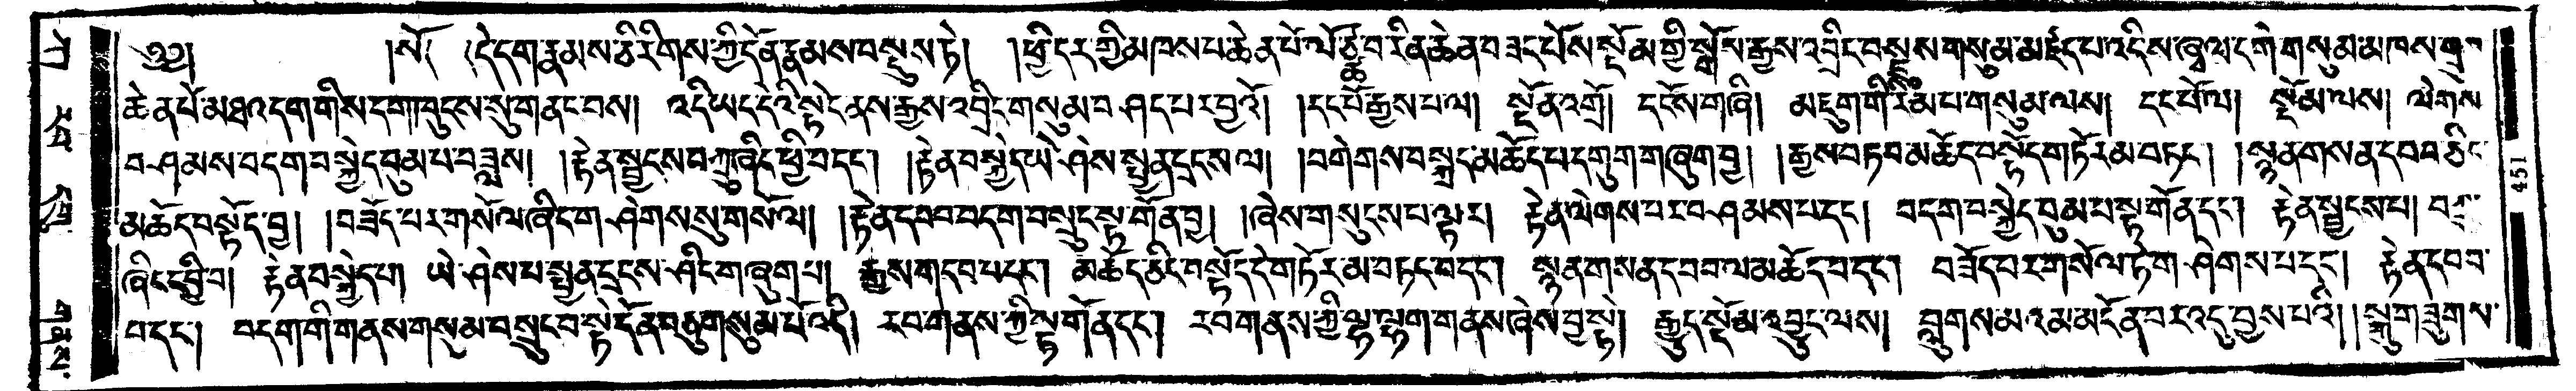༄༅། །སོ། །དེ་དག་རྣམས་ཅི་རིགས་ཀྱི་དོན་རྣམས་བསྡུས་ཏེ། །ཕྱི་དར་གྱི་མཁས་པ་ཆེན་པོ་ལོ་ཙྪ་བ་རིན་ཆེན་བཟང་པོས་སྡོམ་གྱི་སྒོས་རྒྱས་འབྲིང་བསྡུས་གསུམ་མཛད་པ་འདི་ས་ཞྭ་ལ་དགེ་གསུམ་མཁས་གྲུས?
ཆེན་པོ་མཐའ་དག་གིས་དག་ཁུངས་སུ་གནང་བས། འདི་ཡང་དེའི་སྟེང་ནས་རྒྱས་འབྲིང་གསུམ་བཤད་པར་བྱའོ། །དང་པོ་རྒྱས་པ་ལ། སྔོན་འགྲོ། དངོས་གཞི། མཇུག་གི་རིམ་པ་གསུམ་ལས། དང་པོ་ལ། སྡོམ་ལས། ལེགས་
བཤམས་བདག་བསྐྱེད་བུམ་པ་བཟླས། །རྟེན་སྦྱངས་བཀྲུ་ཞིང་ཕྱི་བ་དང་། །རྟེན་བསྐྱེད་ཡེ་ཤེས་སྤྱན་དྲངས་ལ། །བགེགས་བསྐྲད་མཆོད་པ་དགུག་གཞུག་བྱ། །རྒྱས་བཏབ་མཆོབ་བསྟོད་གཏོར་མ་བཏང་། །སྙན་བསན་དབབ་ཅིང་
མཆོད་བསྟོད་བྱ། །བཟོད་པར་གསོལ་ཞིང་གཤེགས་སུ་གསོལ། །རྟེན་དབབ་བདག་བསྲུང་སྟ་གོན་བྱ། །ཞེས་གསུངས་པ་ལྟར། །རྟེན་ལེགས་པར་བཤམས་པ་དང་། བདག་བསྐྱེད་བུམ་པ་སྟ་གོན་དང་། རྟེན་སྦྱངས། བ?
ཞིང་དབྱི་བ། རྟེན་བསྐྱེད་པ། ཡེ་ཤེས་པ་སྤྱན་དངས་ཤིང་གཞུག་པ། རྒྱས་གདབ་པ་དང་། མཆོད་ཅིང་བསྟོད་དེ་གཏོར་མ་བཏང་བ་དང་། སྙན་གསན་དབབ་ལ་མཆོད་པ་དང་། བཟོད་པར་གསོལ་ཏེ་གཤེགས་པ་དང་། རྟེན་དབབ་
བ་དང་། བདག་གི་གནས་གསུམ་བསྲུང་བ་སྟེ་དོན་བཅུ་གསུམ་པོ་འདི། རབ་གནས་ཀྱི་སྟ་གོན་དང་། རབ་གནས་ཀྱི་ལྷ་ལྷག་གནས་ཞེས་བྱ་སྟེ། རྒྱུད་སྡོམ་འབྱུང་ལས། བླུགས་མའང་མངོན་པར་འདུ་བྱས་པའི། །སྐུ་གཟུགས་